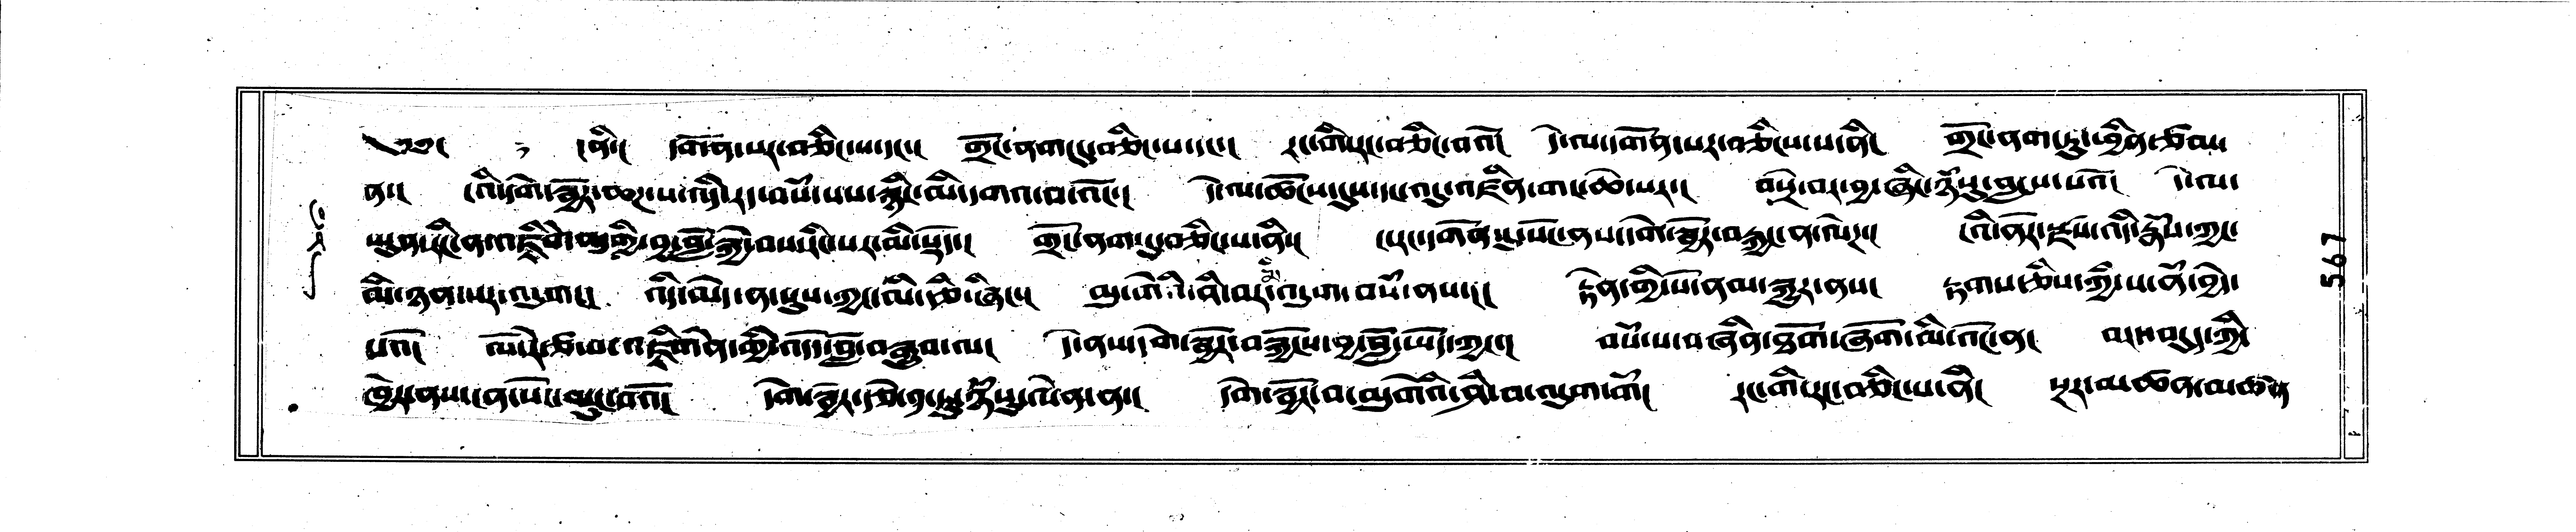ནི། དགོན་པར་བཅིངས་པ་དང་། གྲོང་ནག་ཏུ་བཅིང་པ་དང་། རང་གིས་རང་བཅིང་བའོ། དེ་ལ་དགོན་པར་བཅིང་པ་ནི། གྲོང་ནག་ཏུ་ཕྱན་ཙམ་
ན། ང་ཡི་དགེ་སྦྱོར་ཆག་པ་འདི་རེ་བསམ་ནས་སྙིང་མི་དགའ་བ་འོང་། དེ་ལ་ཚོང་དུས་དང་འདུ་འཛིན་གང་ཆེ་སར། བསྲེ་བར་བྱ་ཞིང་ཉམས་སུ་བླངས་པའོ། དེ་ལ་
ཡུན་རིང་ན་འཇིག་རྟེན་གྱི་བྱ་བློ་སྐྱེ་བས་རིང་པར་མི་སྡོད། གྲོང་ནག་ཏུ་བཅིངས་པ་ནི། ང་རི་དགོན་དུ་སོང་ནས་དགེ་སྦྱོར་སྐྱངས་ན་ཡང་། ང་ཡིས་ནོར་རྫས་འདི་རྣམས་ཀྱང་
མི་ཉན་པར་འདུག འདི་མེད་ན་ནི་མི་སུས་ཀྱང་མི་བརྩི་ཞིང་། མུ་གེའི་ཤི་བར་འདུག་བསམ་ནས། རྟེན་གྱིས་སོ་ནམ་སྐྱུར་ནས། རྟགས་ཅིས་ཀྱི་སོ་ནམ་བྱེད་
པའོ། ལོ་རེ་ཙམ་འཇིག་རྟེན་གྱི་འདོད་བློ་བསྒྲུབ་ལ། དེ་ནས་དགེ་སྦྱོར་སྐྱོངས་བསམ་པའི་བྱ་བློ་ཡོད་ཀྱང་། བསམ་པ་བཞིན་ཐོག་ཞོག་མི་འོང་ན། བར་ཆད་བདུད་ཀྱི་
ཁྱེར་ནས་ངན་སོང་ལྟུང་པའོ། དགེ་སྦྱོར་རྩེ་ཅིག་ཏུ་ཉམས་སུ་ལེན་ན། དགེ་སྦྱོར་བ་མུག་གེའི་ཤི་བ་འདུག་གམ། རང་གིས་རང་བཅིང་པ་ནི། སྔར་མཚན་བཅས་